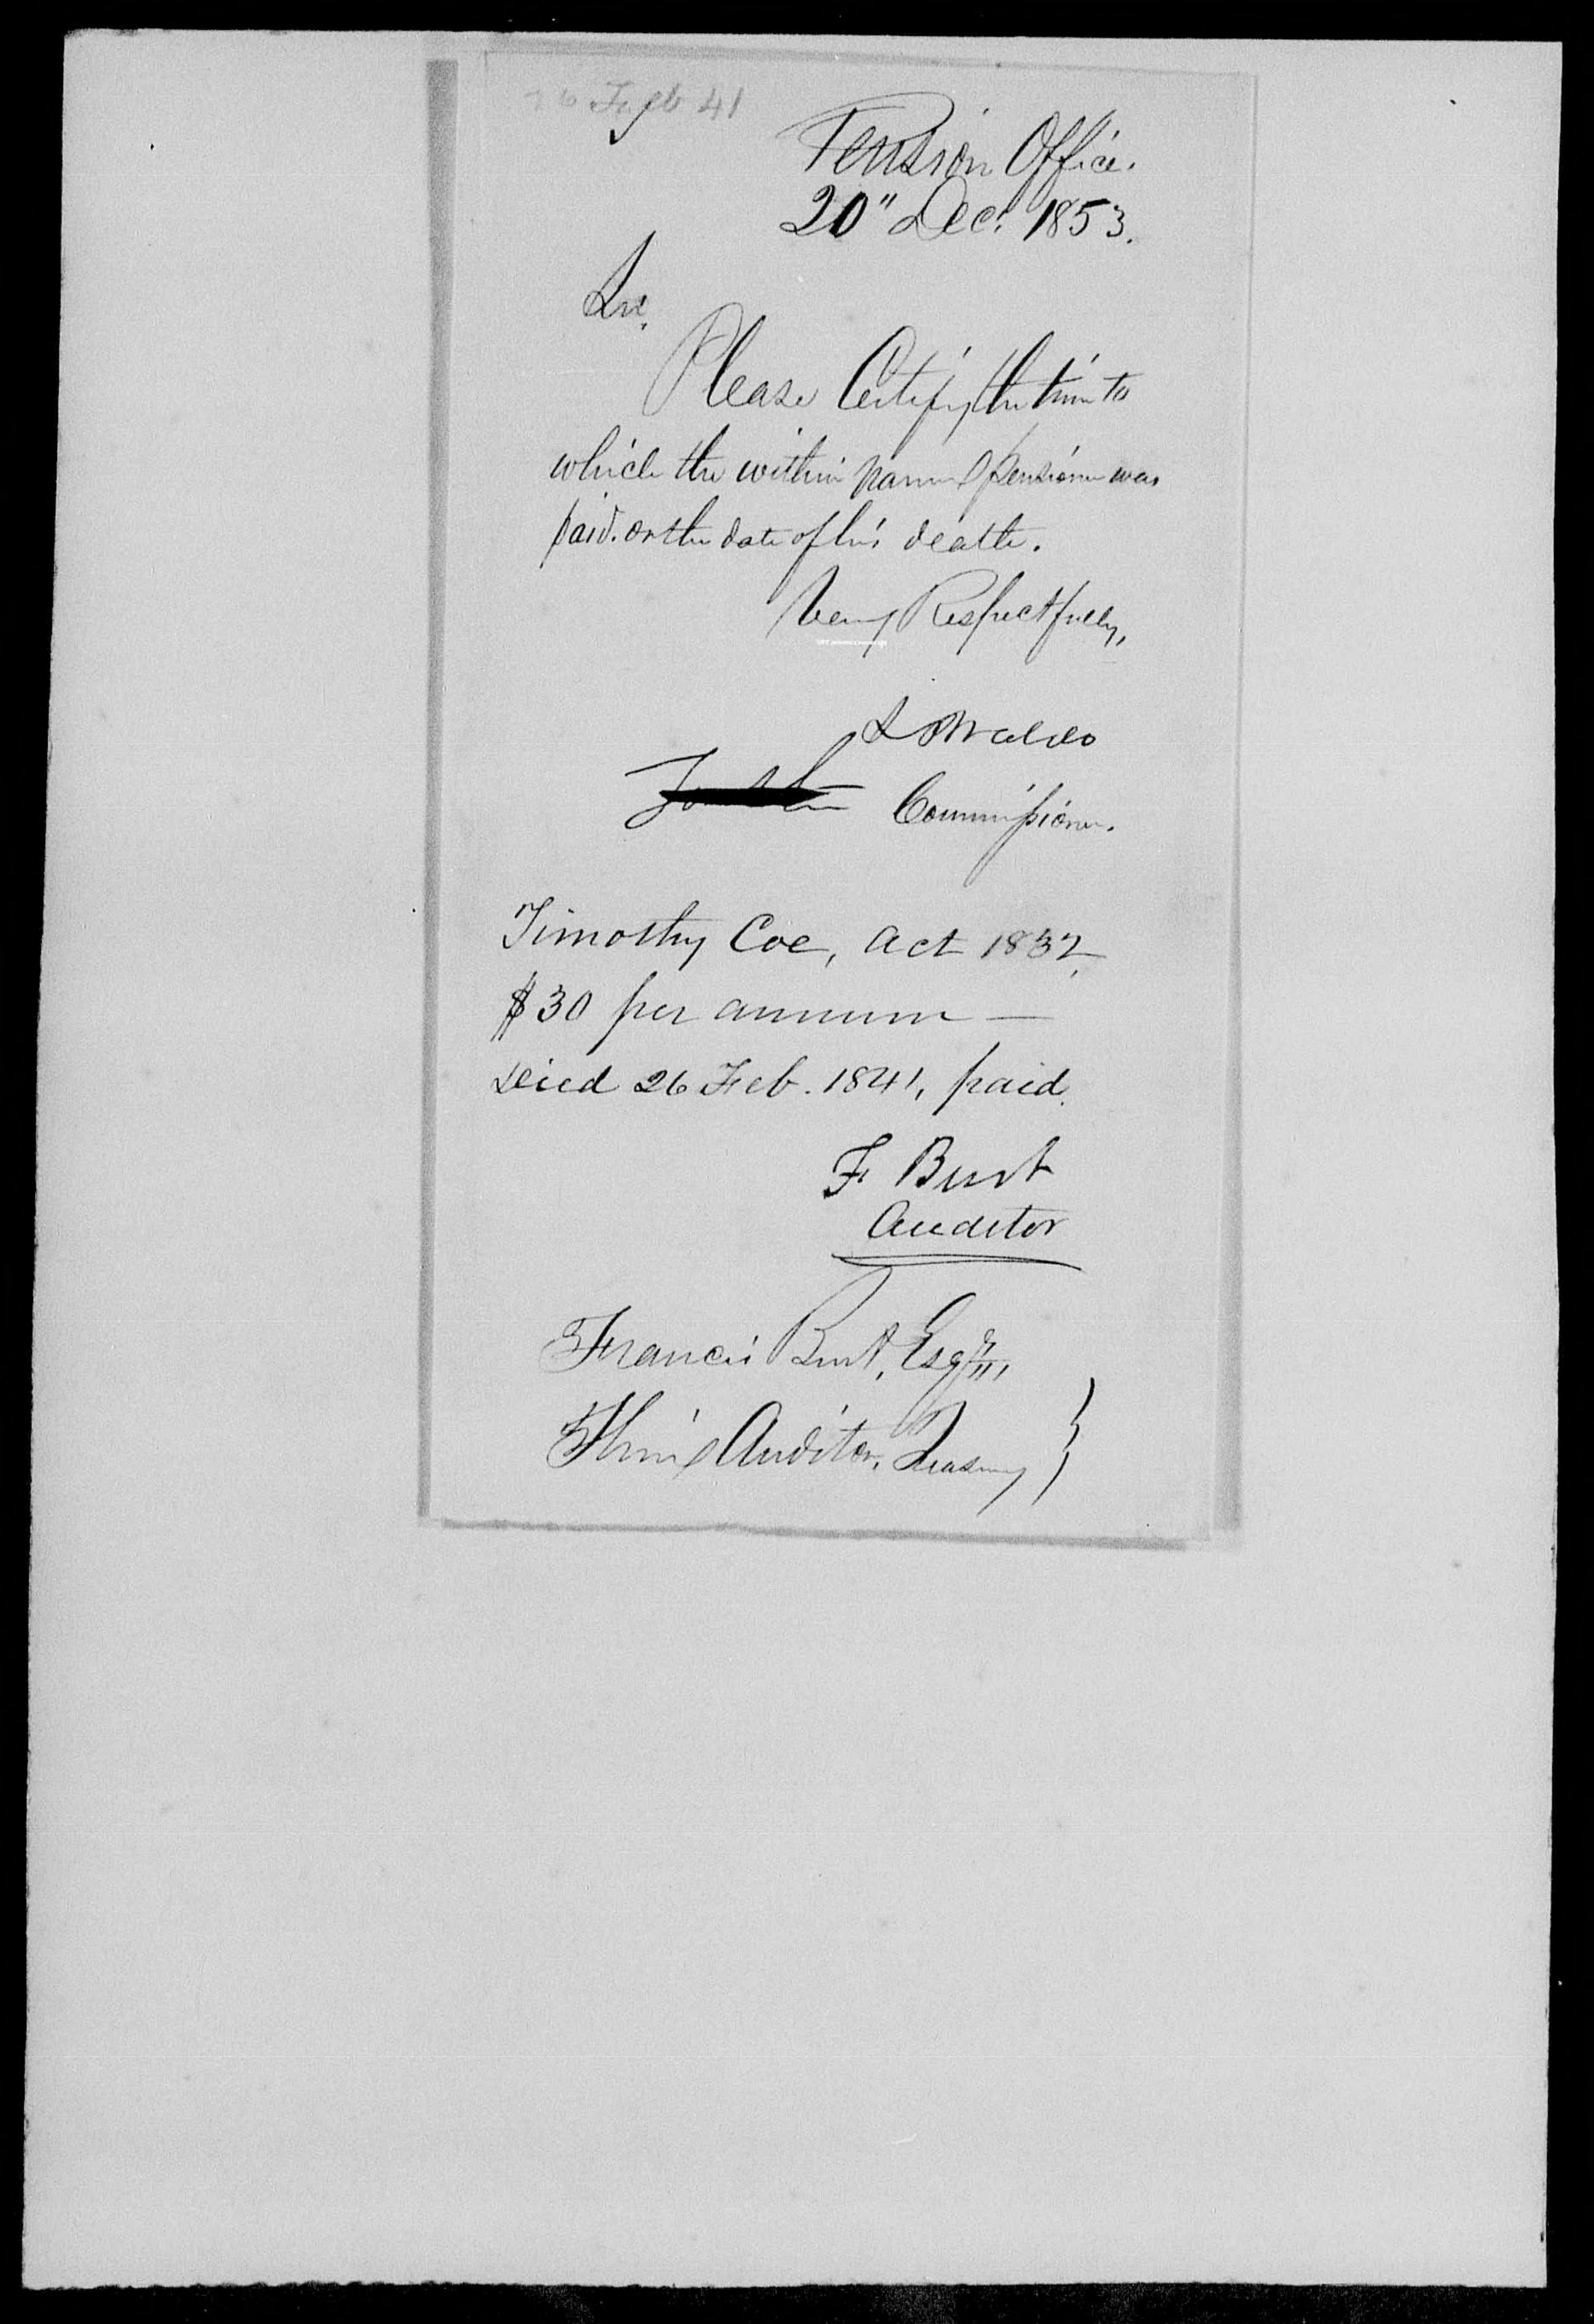26 Feb 41
Pension Office
20" Dec. 1853
Please certify the time to
which the within named pensioner was
paid, or the date of his death.
Very Respectfully,
LP Waldo
Commissioner
Timothy Coe, Act 1832
$30 per annum--
Died 26 Feb. 1841, paid
F. Burt
Auditor
Francis Burt Esqr
Hamal Auditor, Quasney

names: Timothy Coe, Francis Burt, F Burt, L P Waldo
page: 20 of 76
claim: widow's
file: W. 5,250, Timothy Coe, Conn.